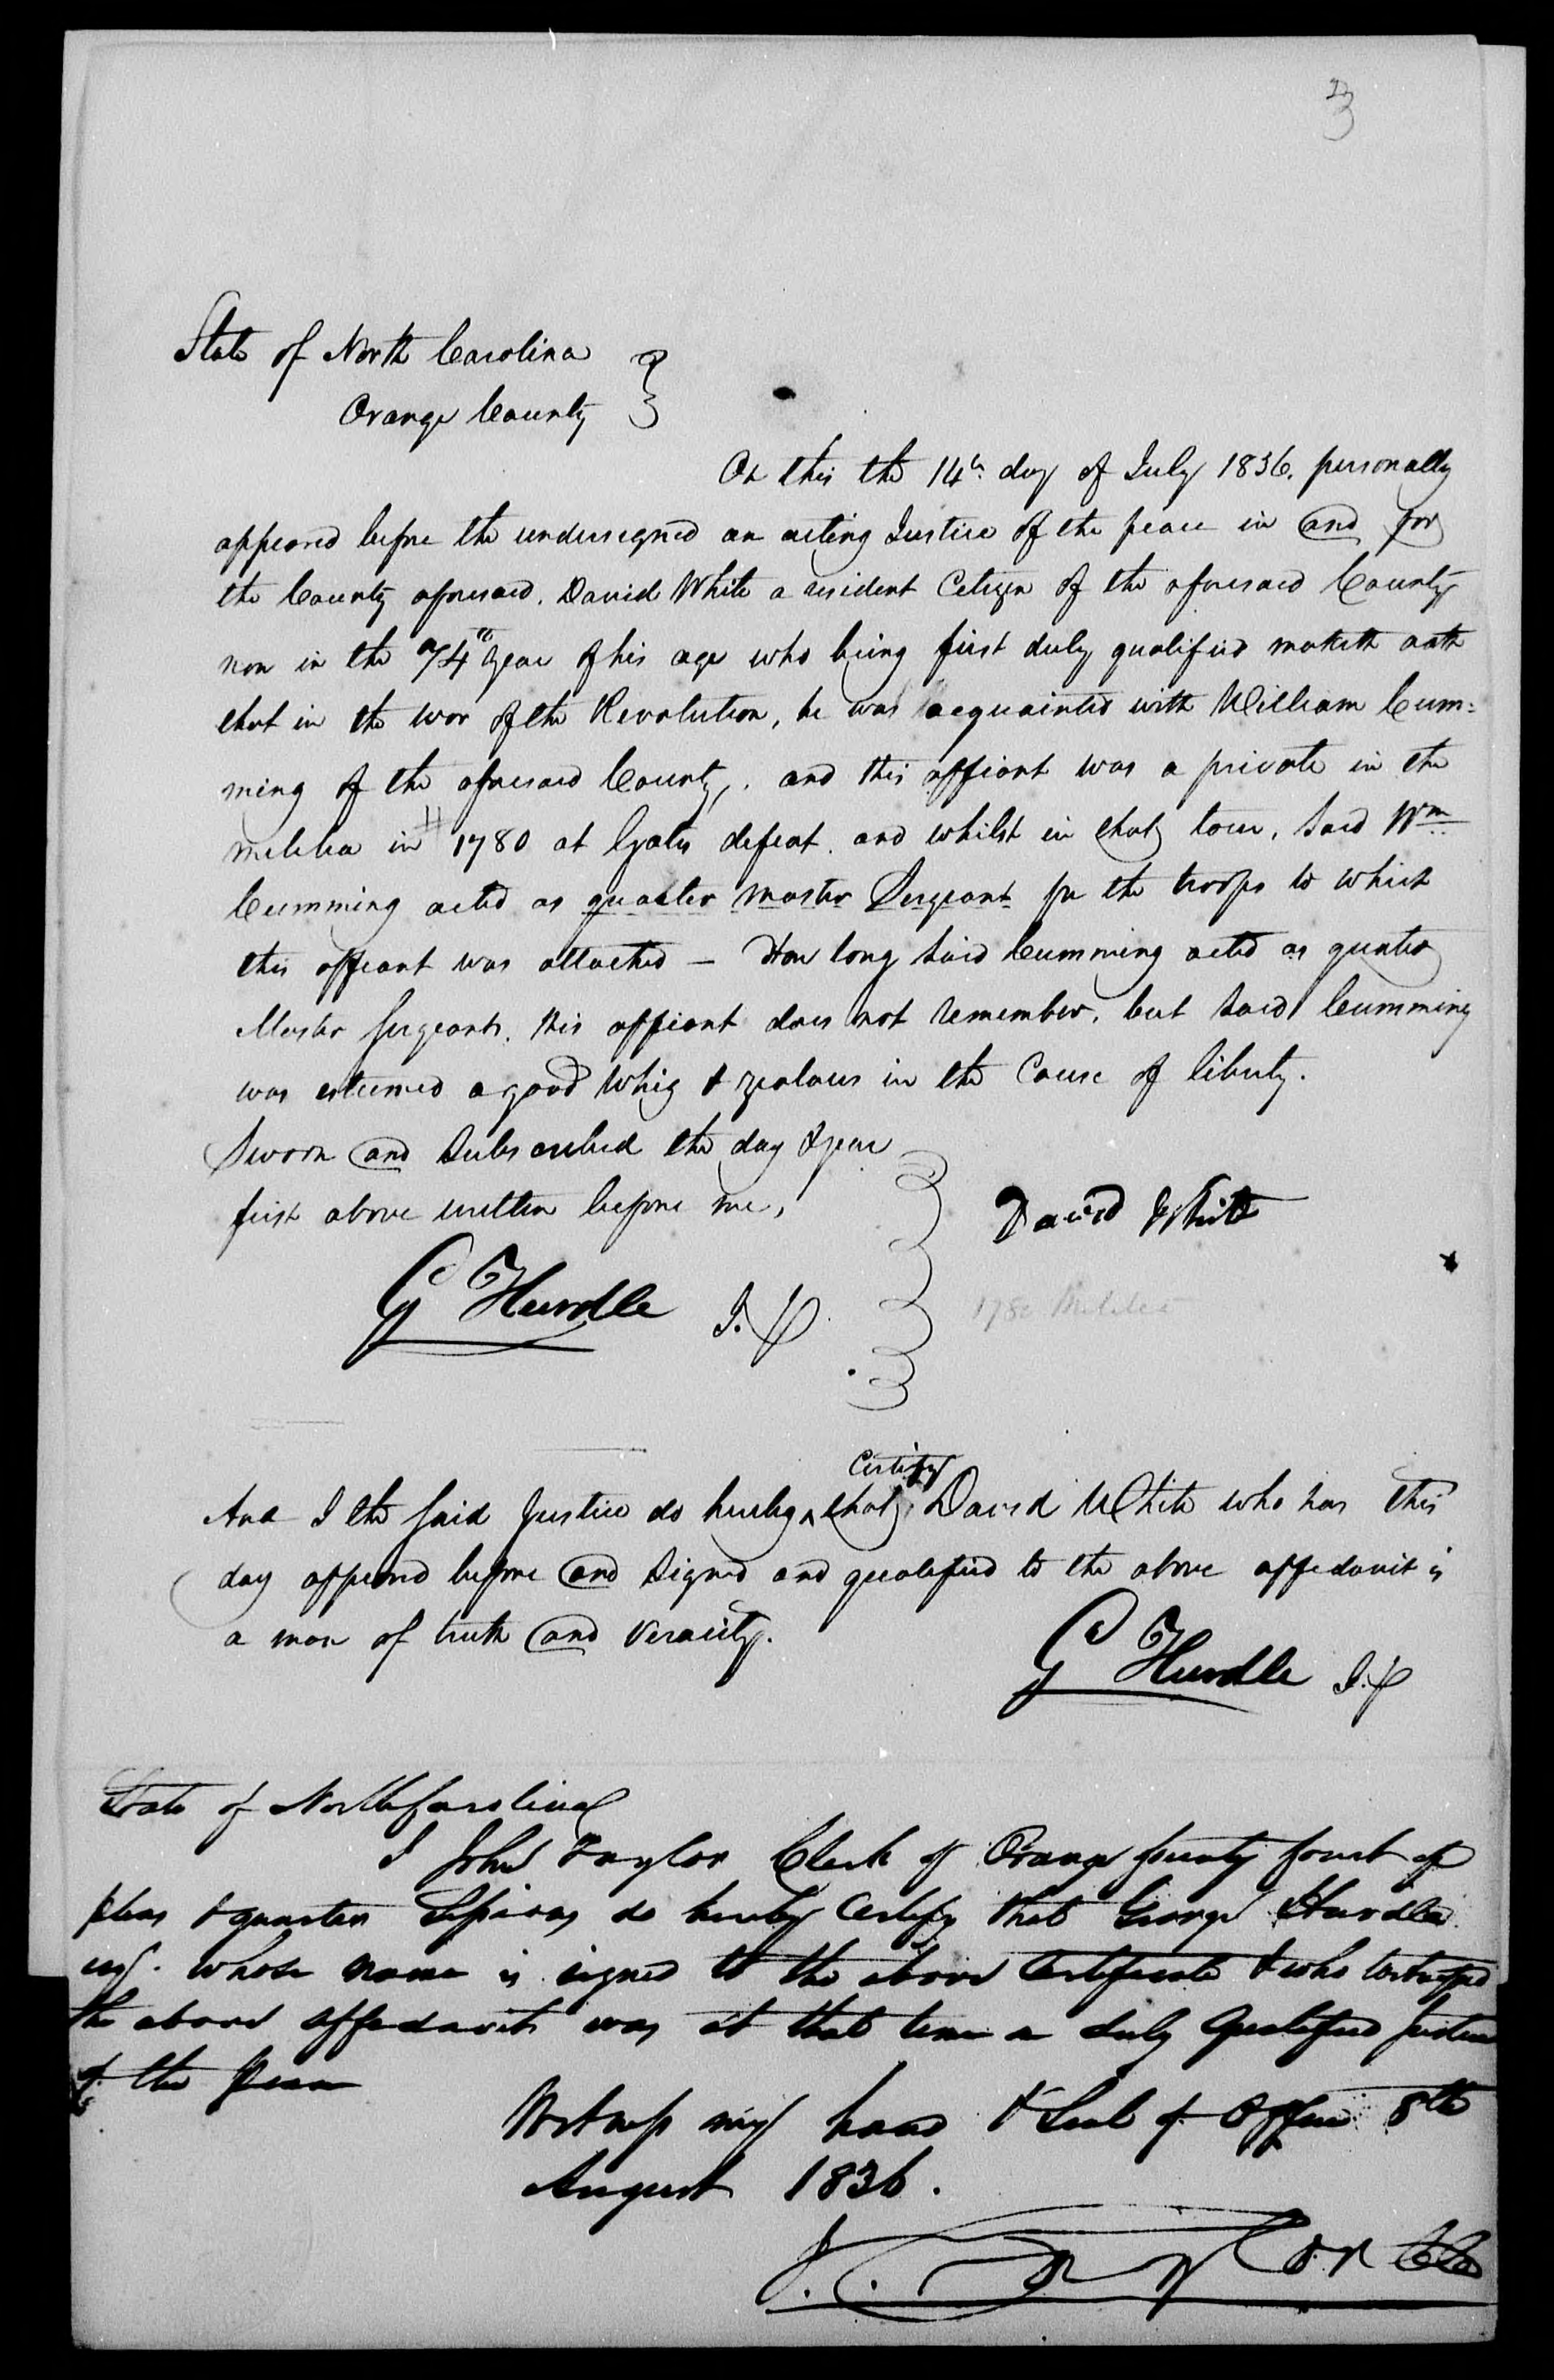[Handwritten record.  Occasional spacing has been included, to make the text block easier to read. Near the top right corner of this page, there is what looks like a "3" written in pencil.]

State of North Carolina)
Orange County)

On this the 14th day of July 1836, personally appeared before the undersigned an acting Justice of the peace in and for the County aforesaid, David White a resident Citizen of the aforesaid County now in the 74th year of his age who being first duly qualified maketh oath that in the War of the Revolution, he was acquainted with William Cumming of the aforesaid County, as this affiant was a private in the militia in [here there is what appears to be a handwritten "#" sign] 1780 at Gates defeat, and whilst in that tour, Said Wm Cumming acted as [here the next three words are underlined:] quarter Master Sergeant for the troops to which the affiant was attached - 

How long Said Cumming acted as quarter Master Sergeant, this affiant does not remember, but Said Cumming was esteemed a good Whig and zealous in the Cause of liberty.

[Signature in dark ink:] David White 
[Slightly below, written in what appears to be light pencil, is:] 1780 Militia

Sworn and Subscribed the day and year)
first above written before me,)
G Hurdle J. P)  [Justice of the Peace] 

And I the Said Justice do hereby ^Certify that David White who has this day appeared before and Signed and qualified to the above affidavit is a man of truth and Veracity. 
G Hurdle J.P [Justice of the Peace]

[In dark ink, and different handwriting:] 
State of North Carolina
I John Taylor Clerk of Orange County Court of pleas and quarter Sessions do hereby Certify that George Hurdle esqr. [Esquire] whose Name is signed to the above Certificate and who Witnessed the above affedavit [affidavit] was at that time a duly Qualified Justice of the Peace

Witness my hand and Seal of Office 8th August 1836.
J. Taylor CC [Clerk of Court]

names: G Hurdle, David White, David White, G Hurdle, J Cray Cox, Johs Taylor, Cumming, Wm Cumming, George Hurdle, Cumming, David White, William Cumming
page: 121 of 145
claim: survivor's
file: S. 8265, William Cumming, N.C.